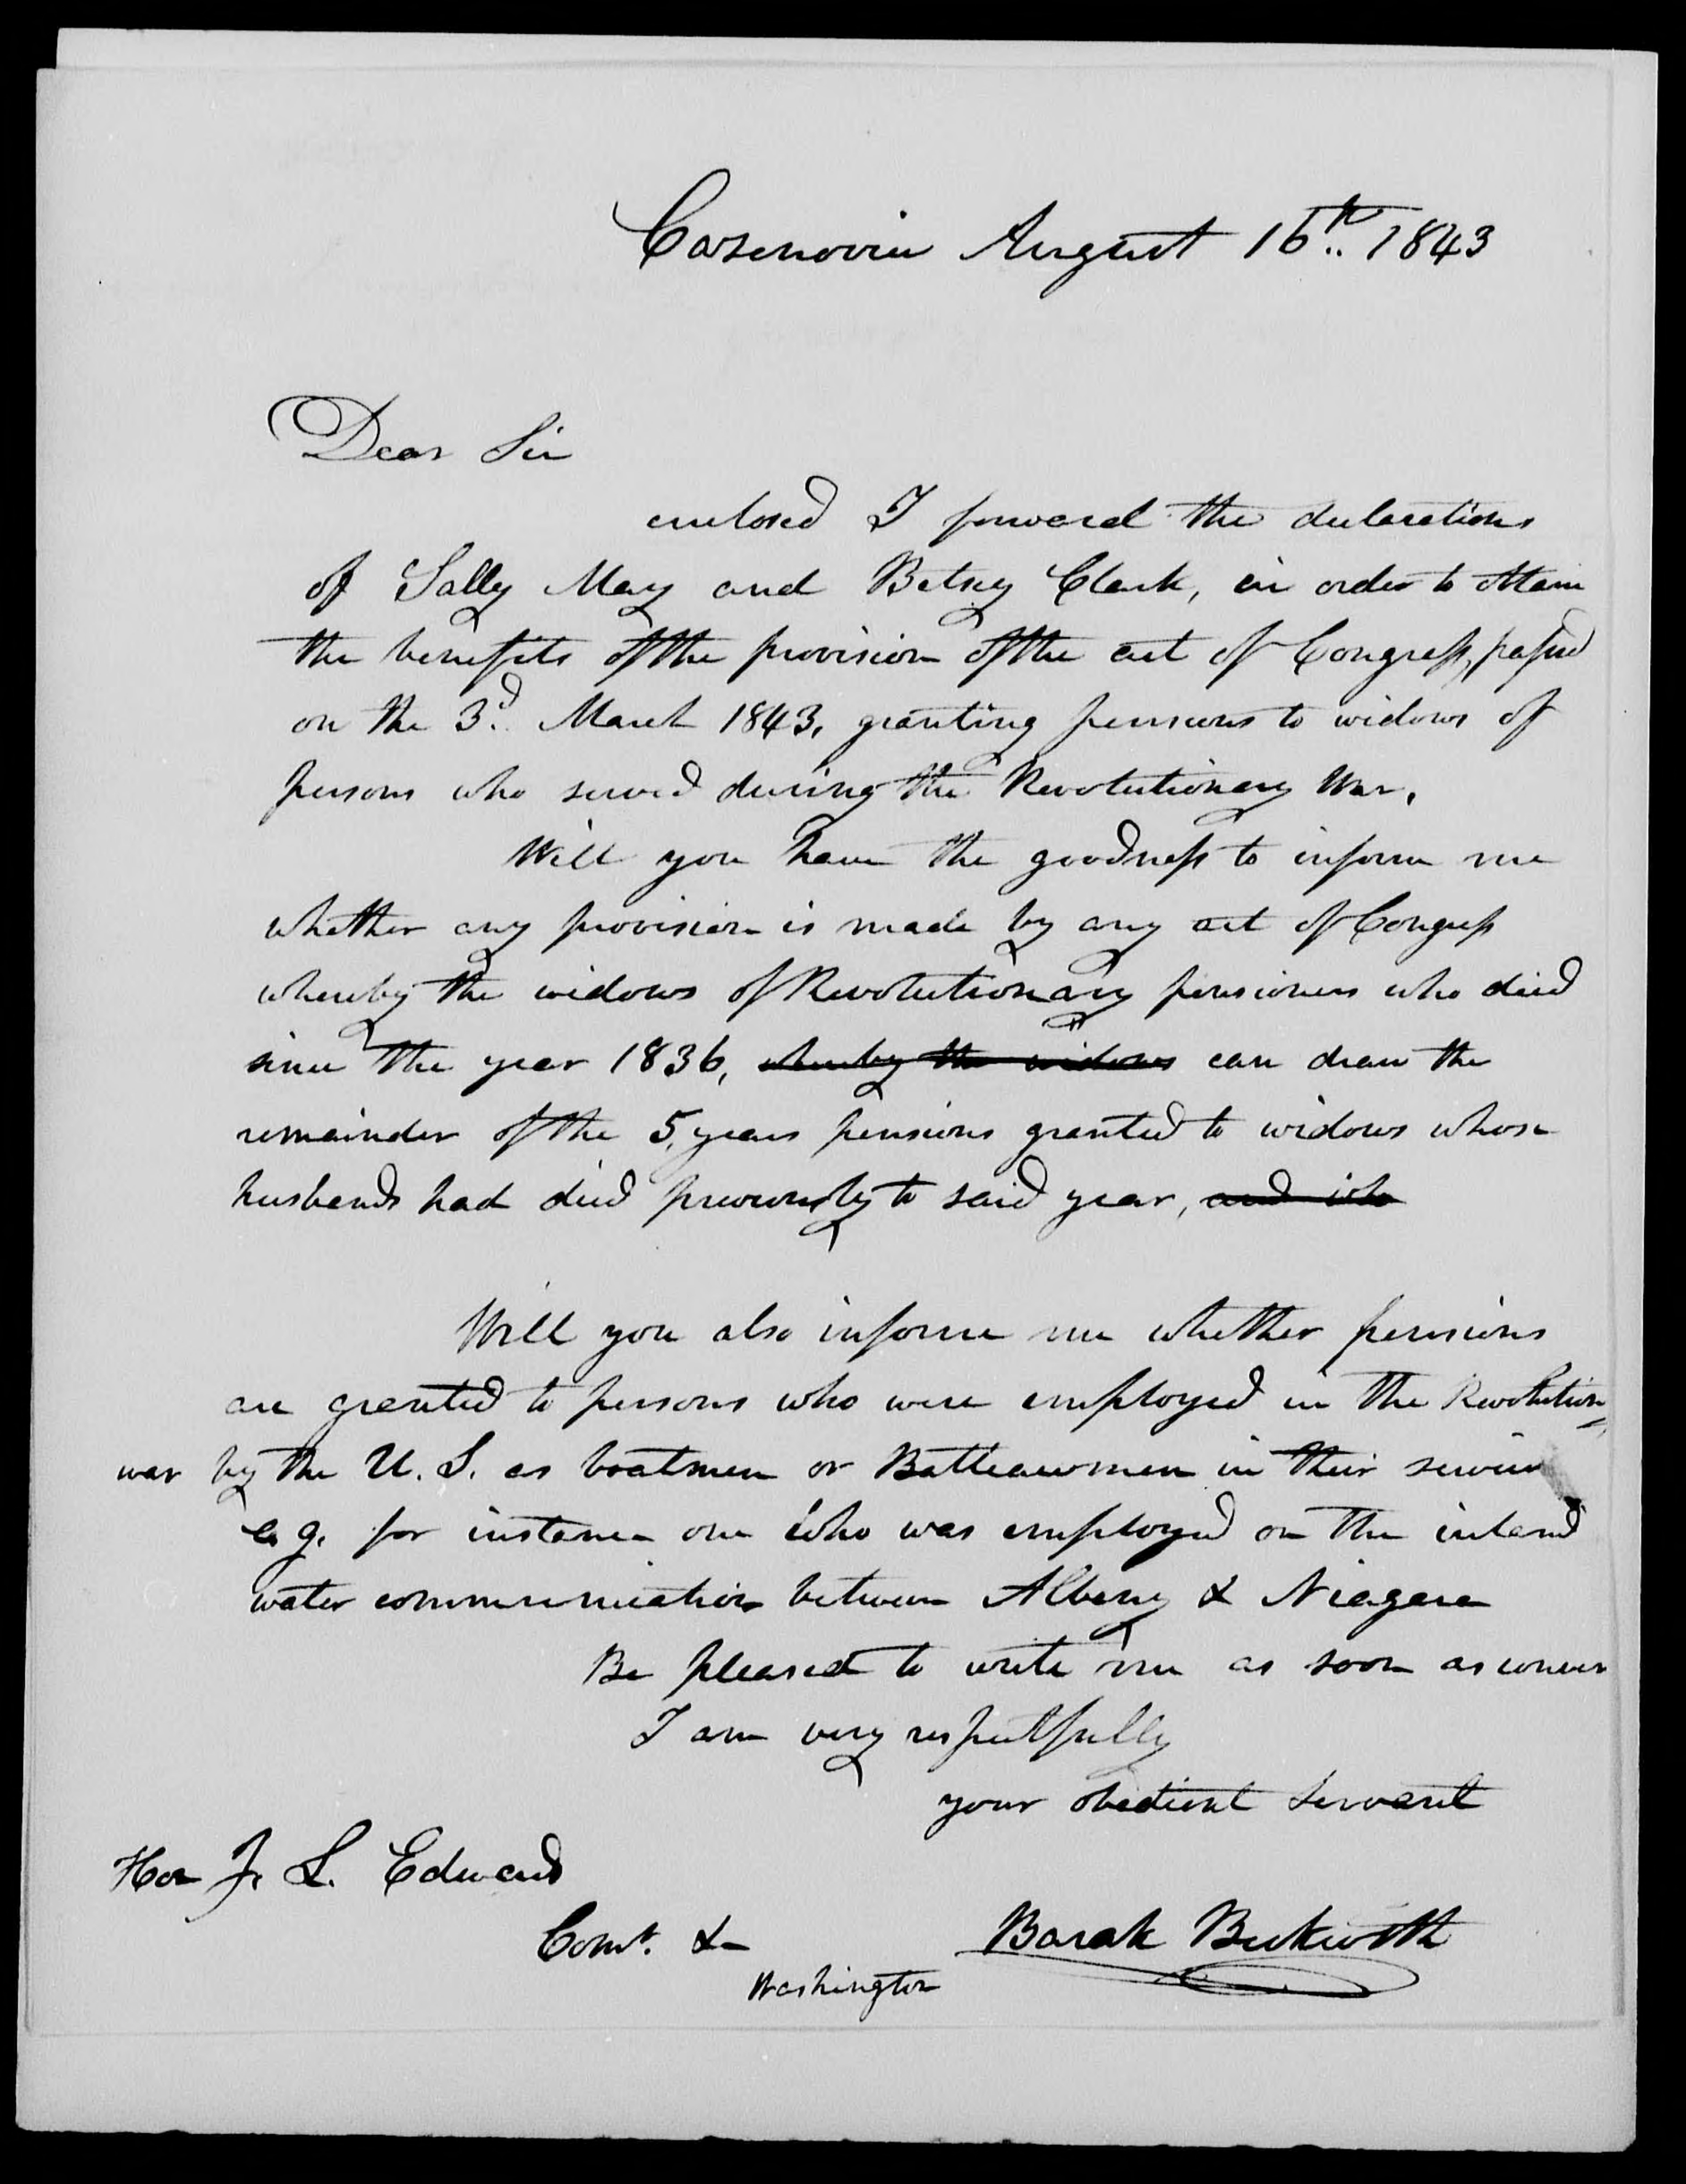[handwritten]
Cazenovia August 16th 1843
Dear Sir
Enclosed I forward the declarations of Sally May and Betsy Clark, in order to obtain the benefits of the provision of the act of Congress, passed on the 3d March 1843, granting pensions to widows of persons who served during the Revolutionary War.
Will you have the goodness to inform me whether any provision is made by any act of Congress whereby the widows of Revolutionary pensioners who died since the year 1836, can draw the remainder of the 5 years pension granted to widows whose husbands had died previously to said year.

Will you also inform me whether pensions are grated to persons who were employed in the Revolutionary war by the U. S. as boatmen or Batteaumen in their service e.g. for instance one who was employed on the inland water communications between Albany & Niagara

Be pleased to write me as soon as conven. 
I am very respectfully 
Your obedient Servant
[signed] Barak Beckwith

Hon. J. L. Edwards
Comm [illegible]
Washington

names: J L Edwards, Barak Beckwith, Sally May, Betsey Clark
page: 43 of 51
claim: widow's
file: W. 23816, Oliver Clark, Conn.